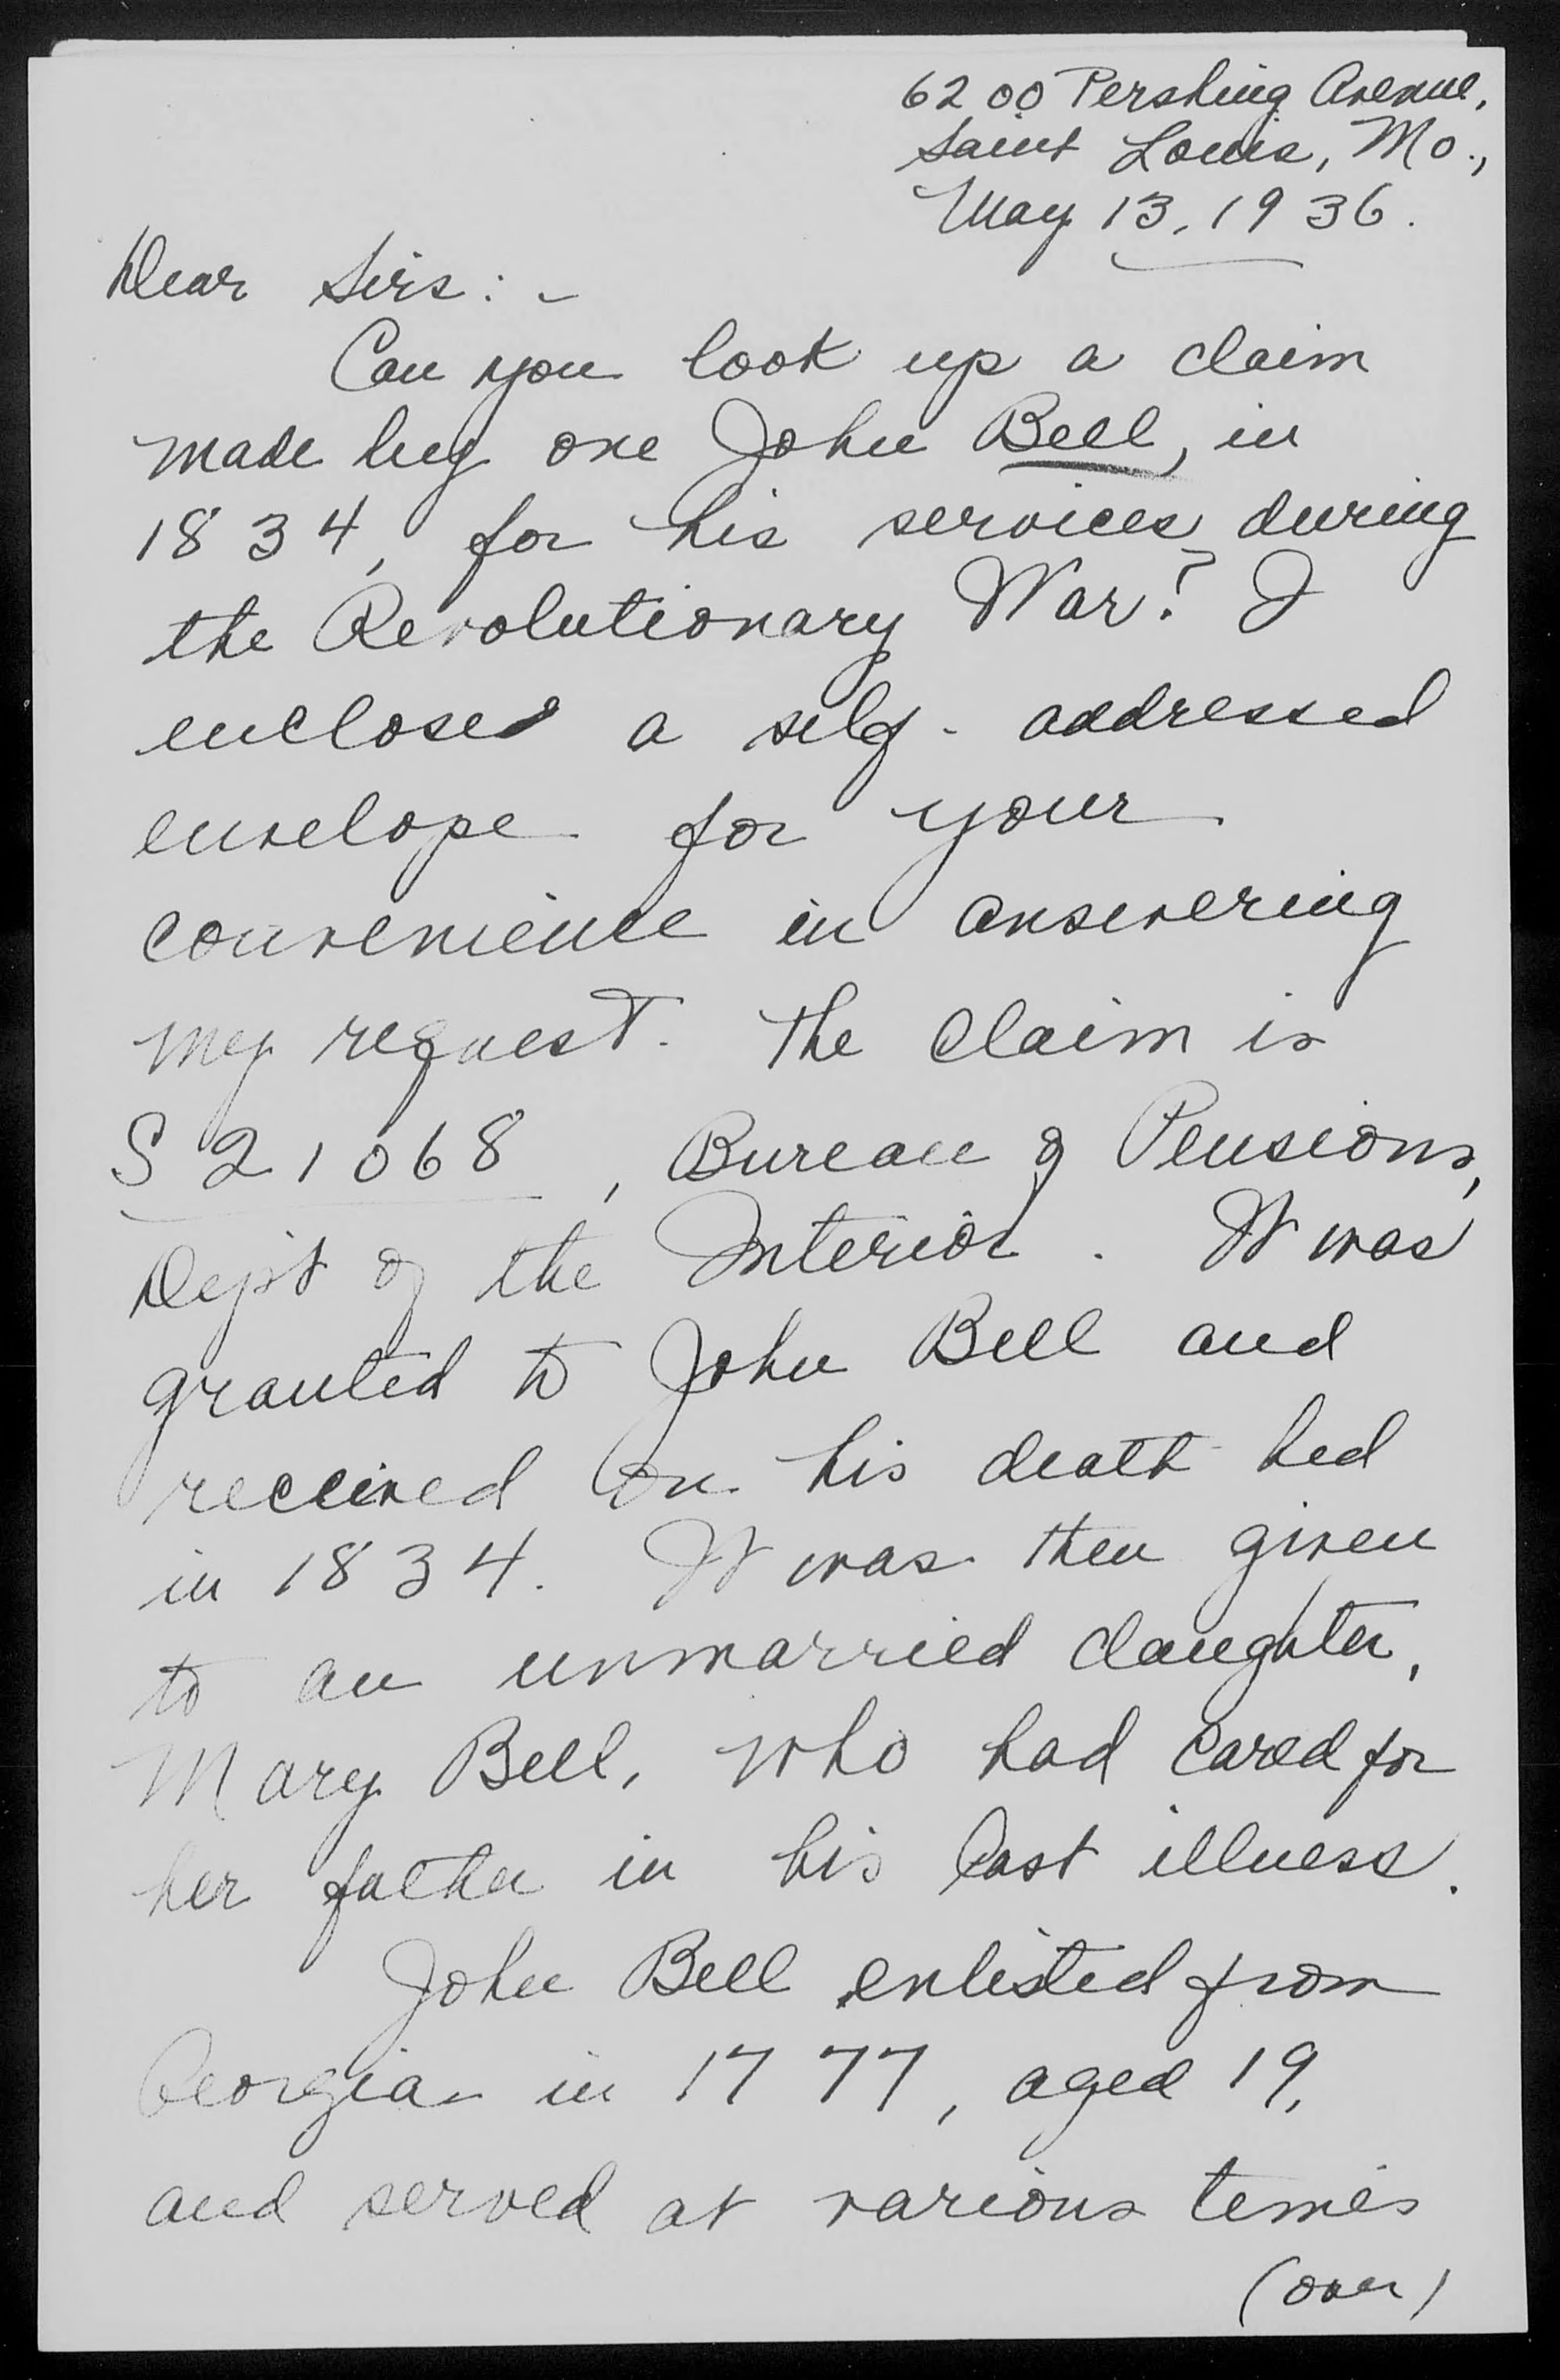6200 Persching Avenue, 
Saint Louis, Mo., 
May 13, 1936

Dear Sir:
Can you look up a claim made by one John Bell, in 1834, for his services during the Revolutionary War?  I enclosed a self-addressed envelope for your convenience in answering my request. The claim is S21068, Bureau of Pensions, Dept. of the Interior. It was granted to John Bell and received on his death bed in 1834.  It was then given to an unmarried daughter, Mary Bell, who had cared for her father in his last illness.  
John Bell enlisted from Georgia in 1777, aged 19, and served at various times (over)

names: John Bell, Mary Bell, John Bell, John Bell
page: 15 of 23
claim: survivor's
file: S. 21068, John Bell, Ga. N. C. S. C.